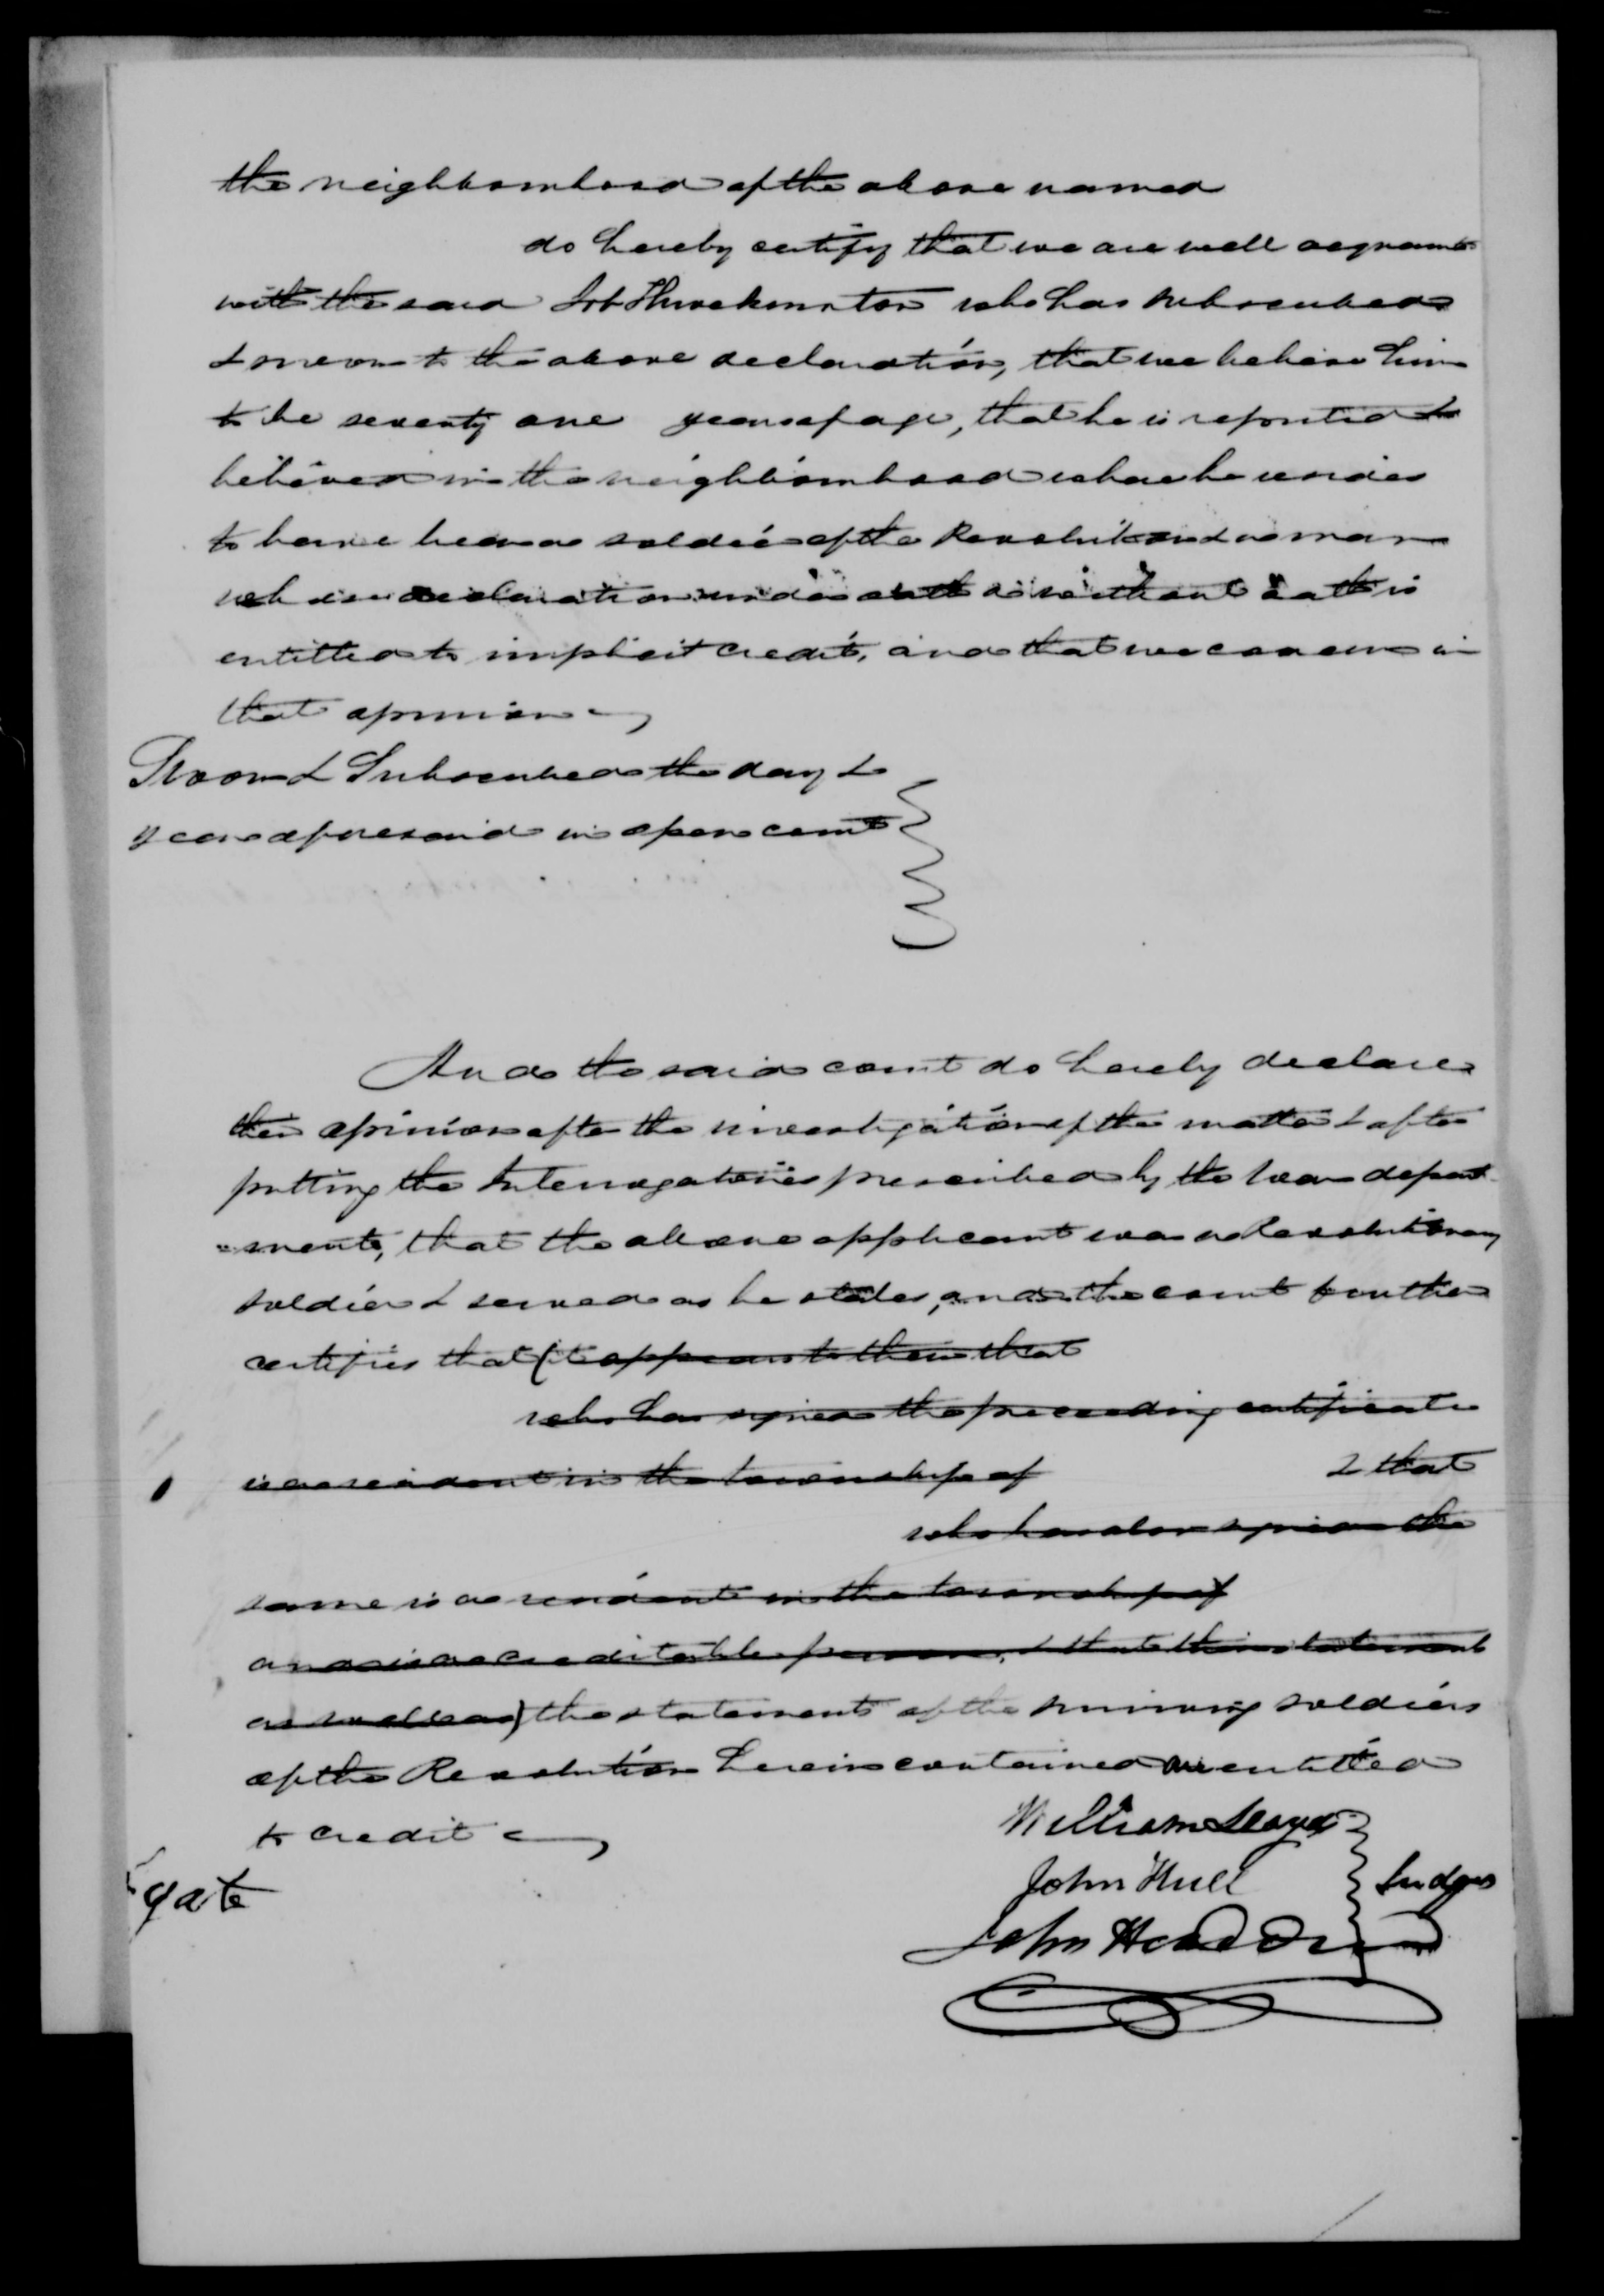the neighborhood of the above named. do hereby certify that we are well acquainted with the said Job Throckmorton who has subscribed and swear to the above declaration, that we believe him to be seventy one years of age, that he is reported believed in the neighborhood where he resides to have been a soldier of the Revolution and as such made this declaration under oath is entitled to implicit credit, and that we concur in that opinion.
Sworn to and Subscribed the day and year aforesaid in Open Court
And as the said court do hereby declare their opinions after the investigation of the matter and after putting the interrogatories prescribed by the War department, that the above applicant was a Revolutionary solider and served as he states, and that court further certifies that the statements of the [illegible] soldiers of the Revolution herein contained was entitled to credit. 
William Slay John Hull John Headdon Judges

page: 6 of 14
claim: survivor's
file: S. 764, for Job Throckmorton, New Jersey